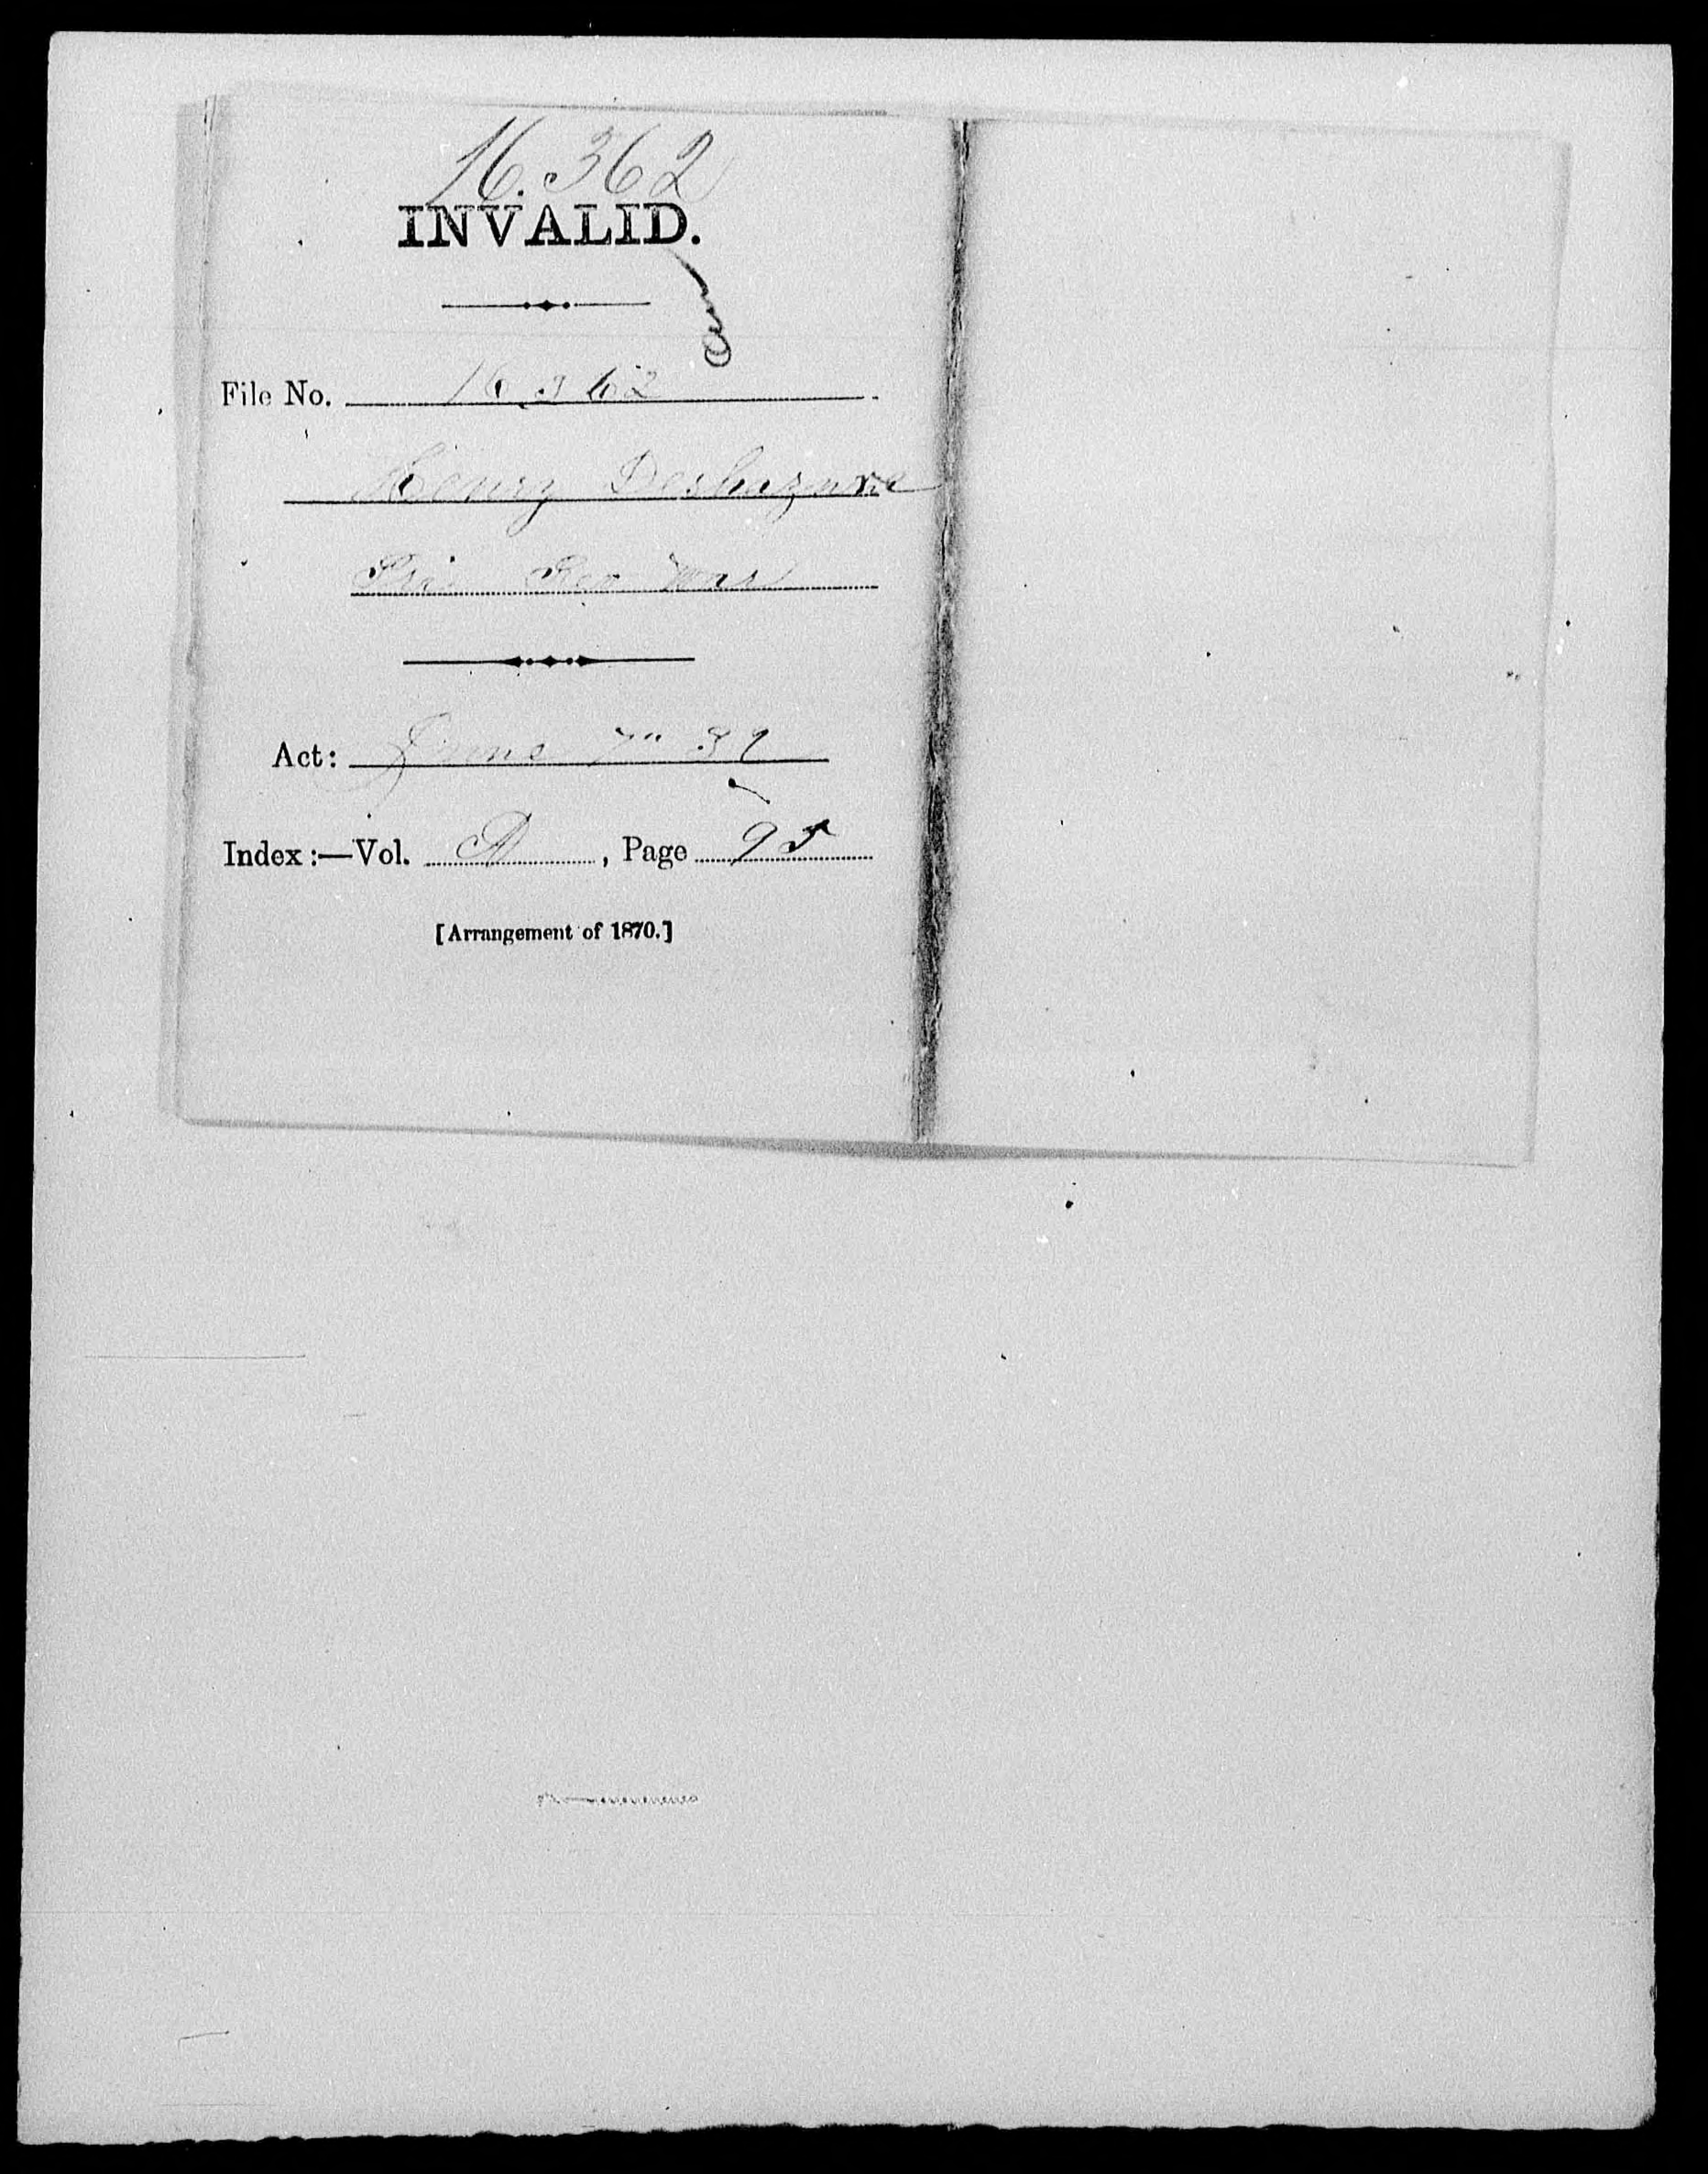16.362
INVALID.
File No. 16362
Henry Deshazure
Pri Rev War
Act: June 7" 32
Index:-Vol. A, Page 95
[Arrangement of 1870.]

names: Henry Deshazure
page: 12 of 12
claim: survivor's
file: S. 16,362, Henry Deshasure, Ga. S.C.